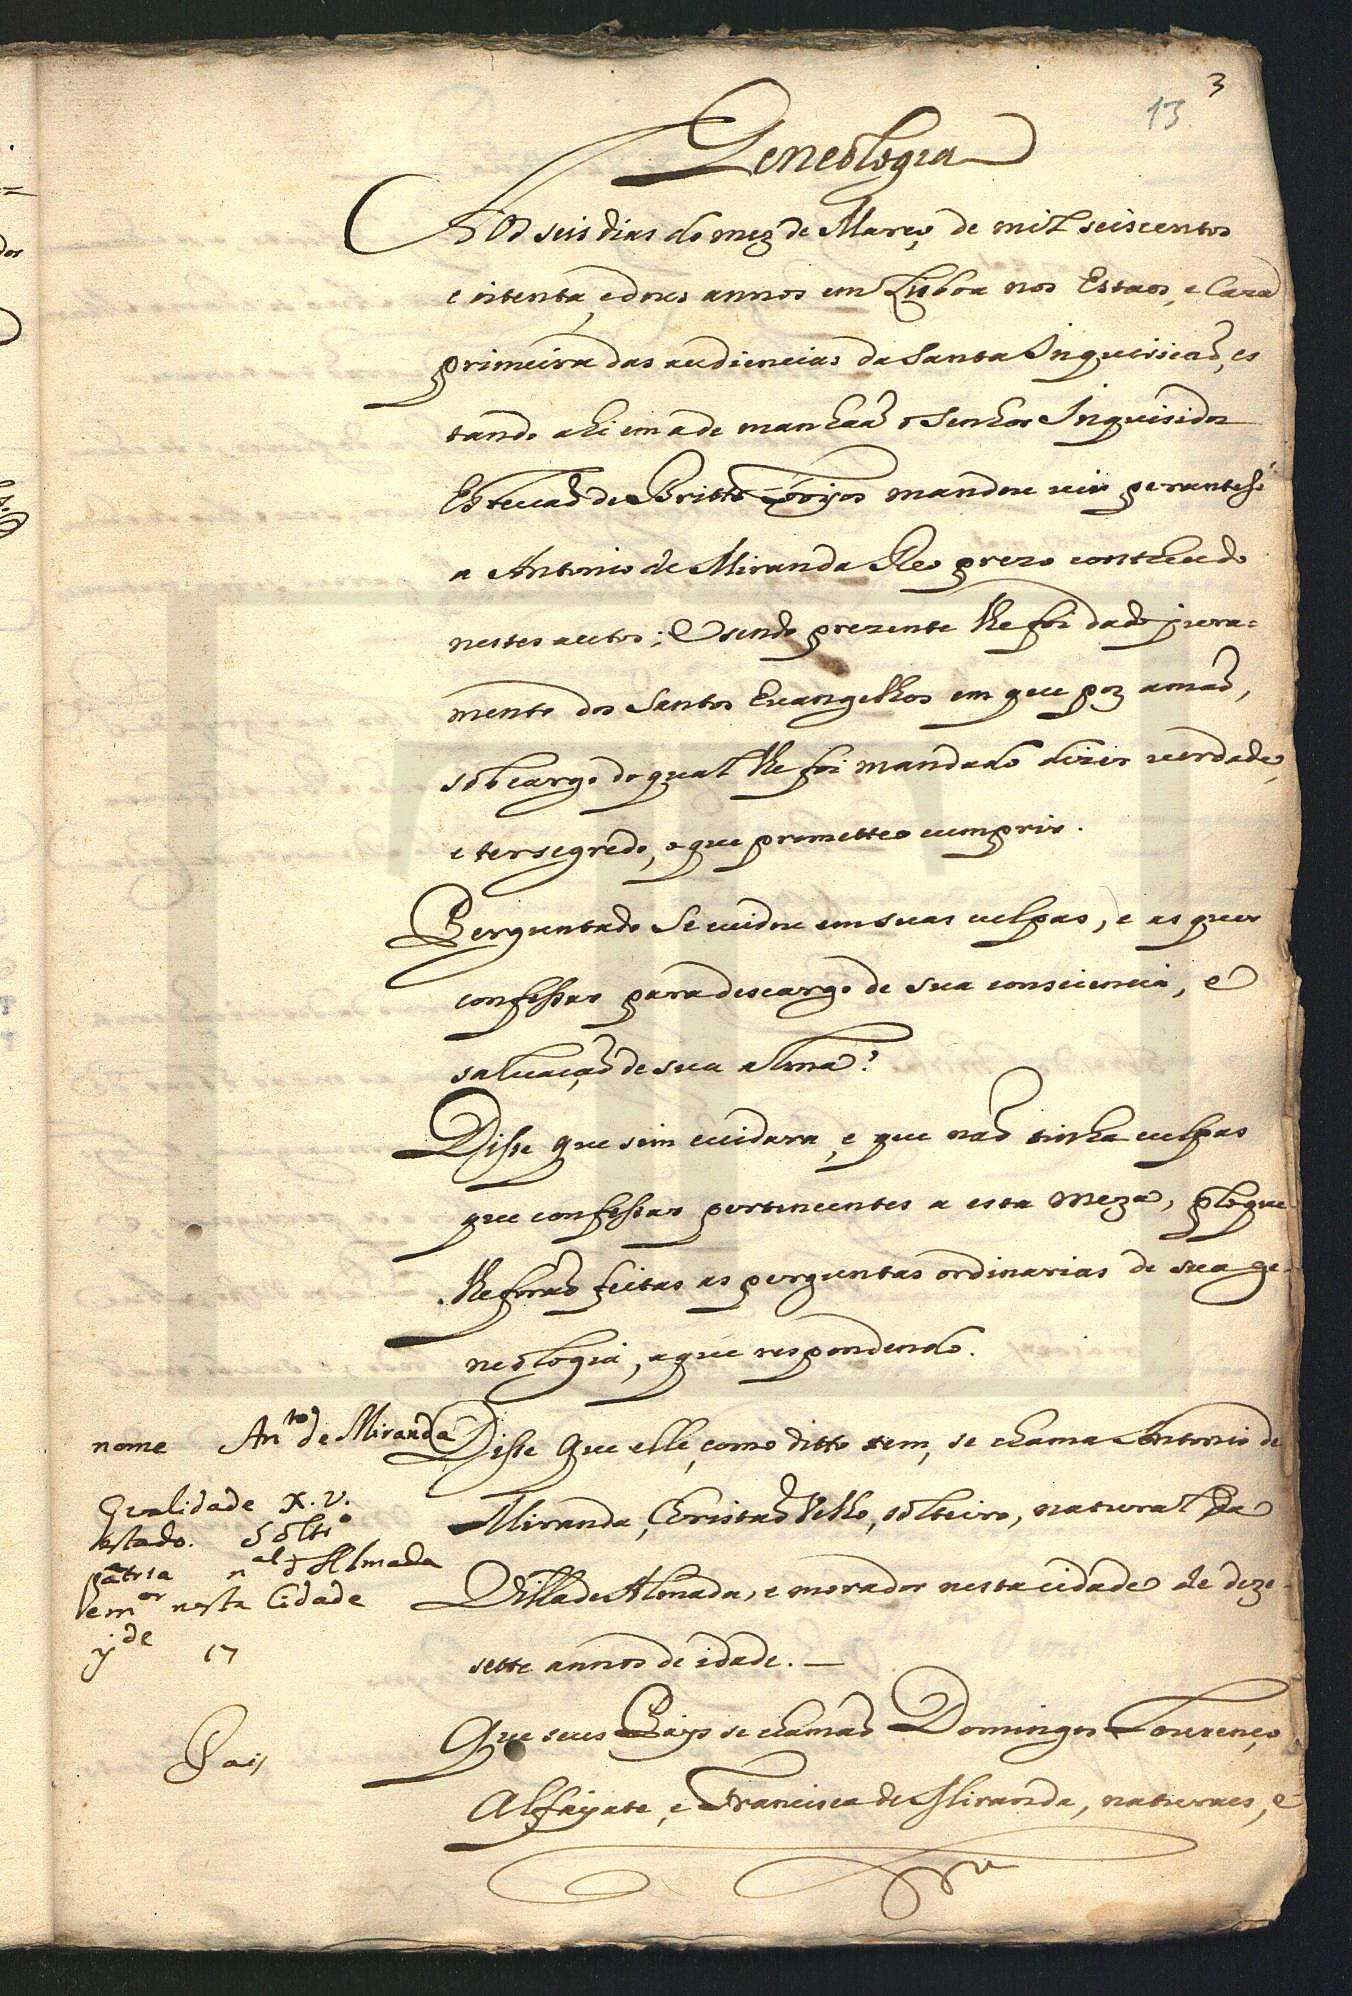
Genealogia
Aos seis dias do mez de Março de miL seiscentos
e oitenta, e dous annos em Lisboa nos Estaos, e Caza
primeira das audiencias da Santa Inquisicaõ, es
tando ahi em a de manhaã o Senhor Inquisidor
Esteuaõ de Britto Foyos mandou uir perante si
a Antonio de Miranda Reo prezo contheudo
nestes autos: e sendo prezente lhe foi dado jura
mento dos Santos Euangelhos em que poz a maõ,
sob cargo do qual lhe foi mandado dizer uerdade,
e ter segredo, o que prometteo cumprir.
Perguntado se cuidou em suas culpas, e as quer
confessar para descargo de sua consciencia, e
saluaçaõ de sua alma?
Disse que sim cuidara, e que naõ tinha culpas
que confessar pertencentes a esta meza, plo que
lhe foraõ feitas as perguntas ordinarias de sua ge
neologia, a que respondendo.
Disse que elle, como ditto tem, se chama Antonio de
Miranda, Christaõ Velho, solteiro, natural da
Villa de Almada, e morador nesta cidade de deze
sette annos de idade.
Que seus Pays se chamaõ Domingos Lourenço
Alfayate, e Francisca de Miranda, naturaes, e
nome Anto de Miranda
Qualidade x. v.
estado. Soltro
pâtria nal d̄ Almada
e mor nesta Cidade
yde 17
Pais
